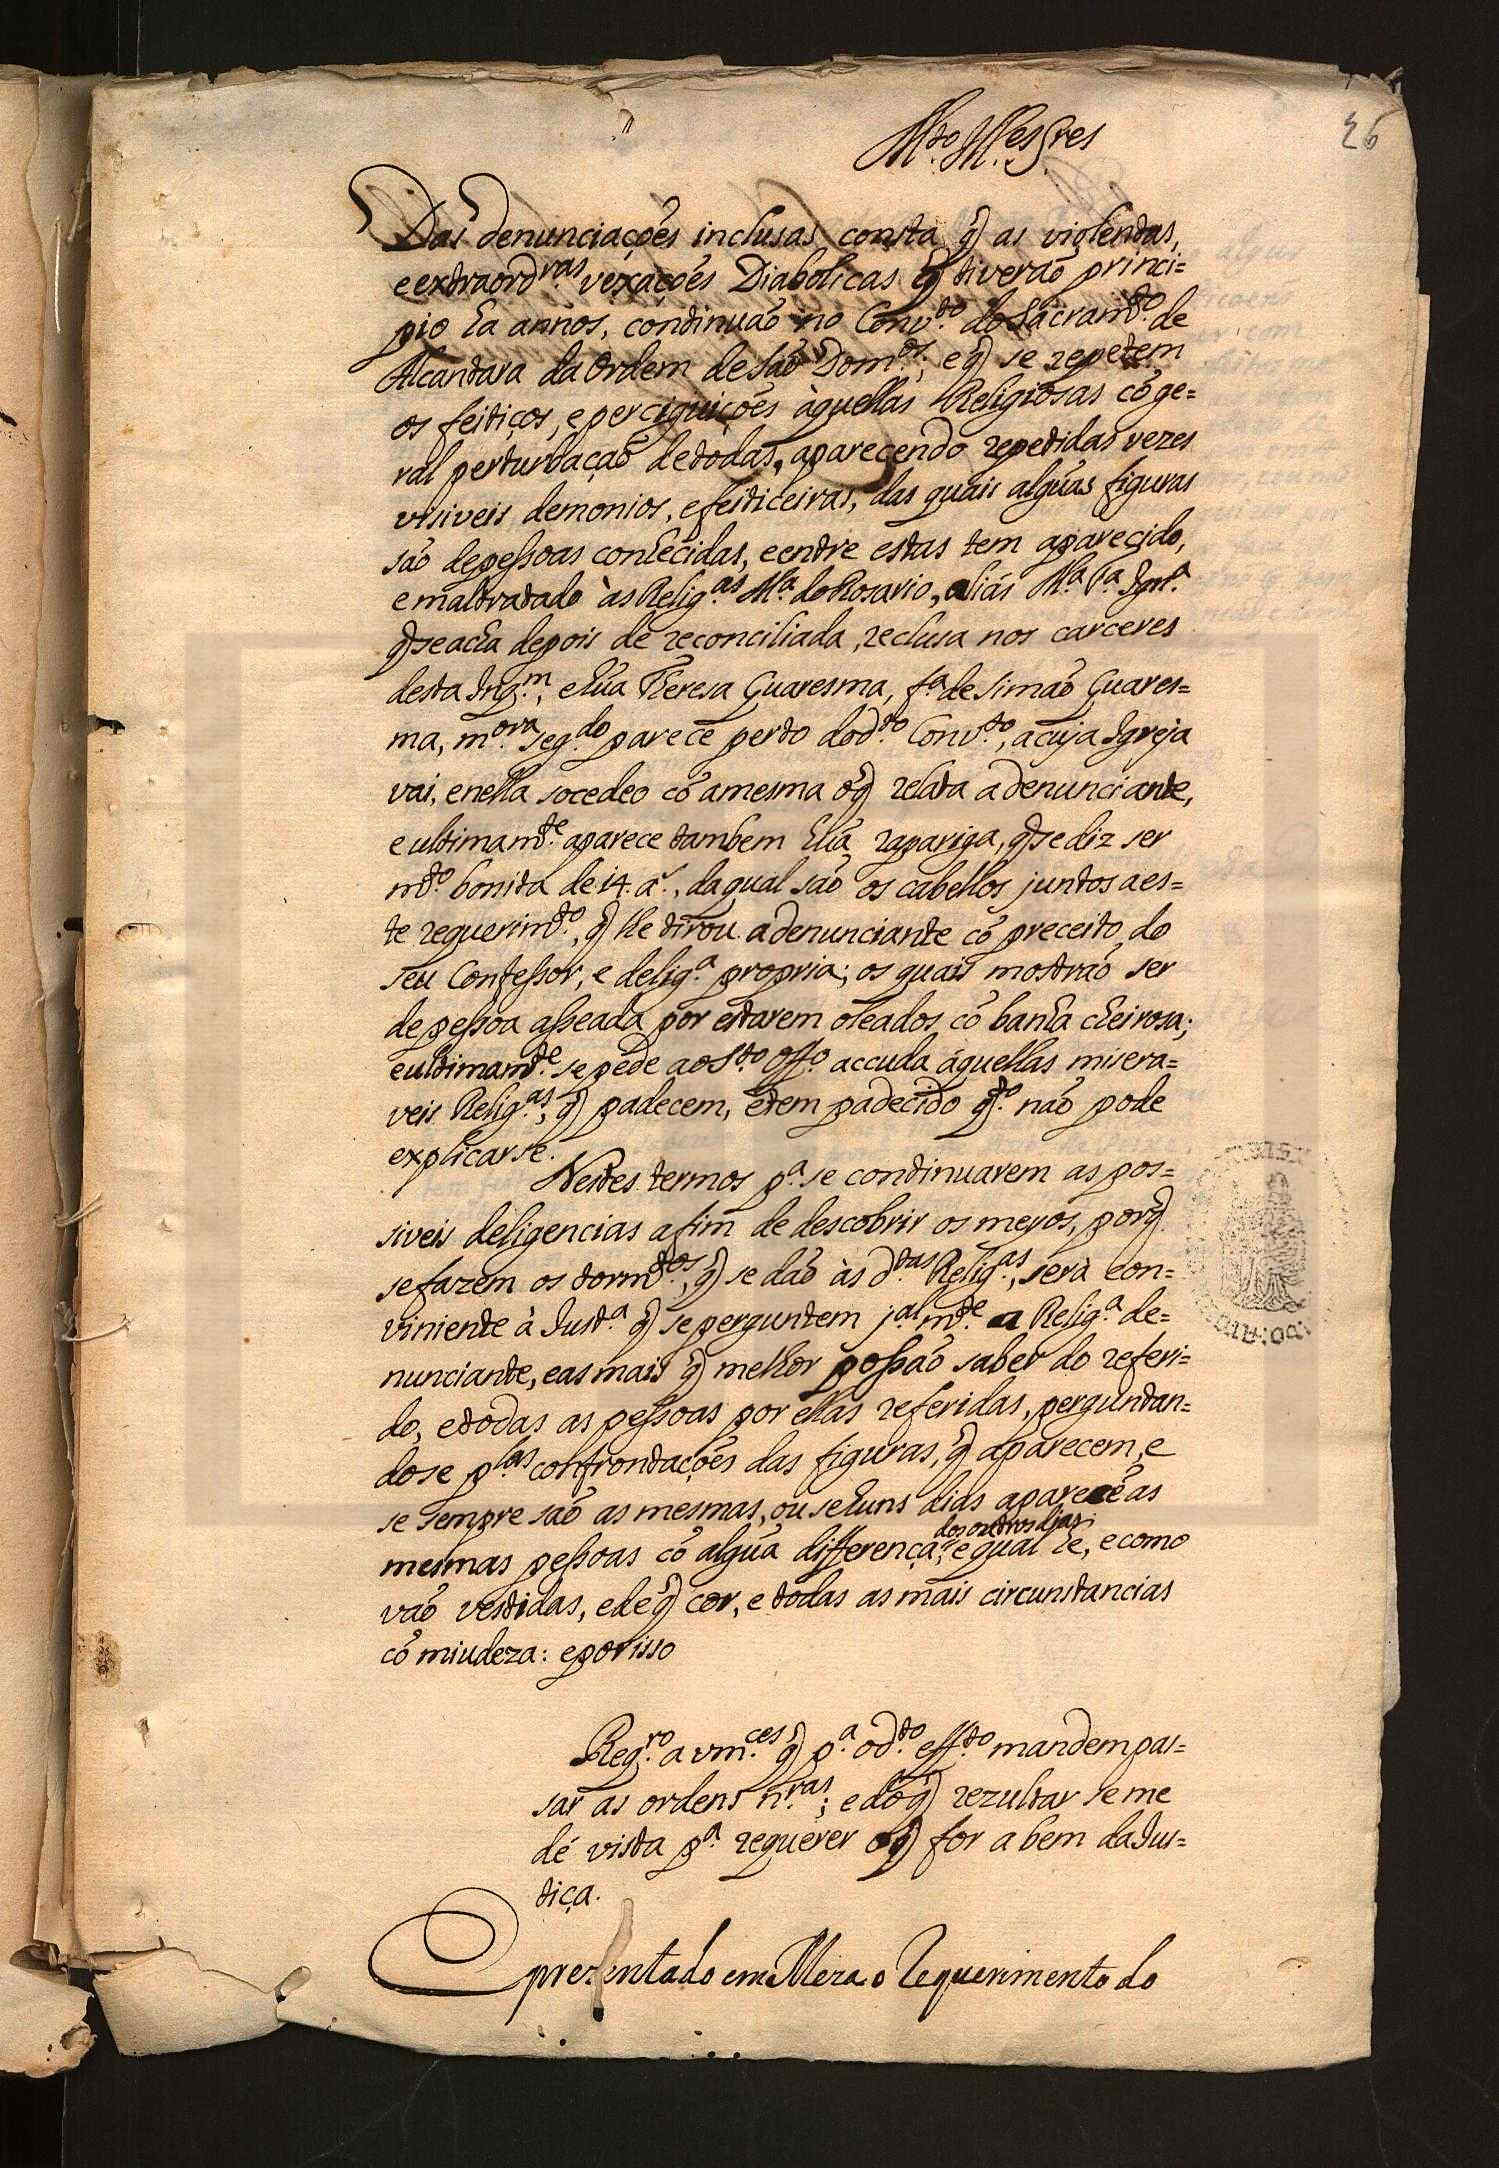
M.to Ill.es S.res
Das denunciaçoẽs inclusas consta q̄ as violentas,
e extraord.ras vexaçoẽs Diabolicas q̄ tiveraõ princi
pio ha annos, continuaõ no Conv.to do sacram.to. de
Alcantara da Ordem de Saõ Dom.os; e q̄ se repetem
os feitiços, e perciguiçoẽs àquellas Religiosas cō ge
ral perturbaçaõ de todas, aparecendo repetidas vezes
visiveis demonios, e feiticeiras, das quais algūas figuras
saõ de pessoas conhecidas, e entre estas tem aparecido,
e maltratado às Relig.as M.a do Rosario, aliás M.a T.a Ign.a
q̄ se acha depois de reconciliada, reclusa nos carceres
desta Inq.m, e huā Theresa Quaresma, f.a de simaõ Quares
ma, m.ora seg.do parece perto do d.to Conv.to, a cuja Igreja
vai, e nella socedeo cō a mesma o q̄ relata a denunciante,
e ultimam.te aparece tambem huā rapariga, q̄ se diz ser
m.to bonita de i4. a.s, da qual saõ os cabellos juntos a es
te requerim.to, q̄ lhe tirou a denunciante cō preceito do
seu confessor, e delig.a propria; os quais mostraõ ser
de pessoa asseada por estarem oleados co̅ banha cheirosa,
e ultimamte. se pede ao S.to Off.o accuda áquellas misera
veis Relig.as, q̄ padecem, e tem padecido q.to naõ pode
explicarse.
Nestes termos p.a se continuarem as pos
siveis deligencias a fim de descobrir os meyos, porq̄
se fazem os torm.tos, q̄ se daõ às d.tas Relig.as, serà con
viniente à Iust.a q̄ se perguntem j.alm.te a Relig.a de
nunciante, e as mais q̄ melhor possaõ saber do referi
do, e todas as pessoas por ellas referidas, perguntan
dose p.las confrontaçoẽs das figuras, q̄ aparecem, e
se sempre saõ as mesmas, ou se huns dias aparecē as
dos outros dias
mesmas pessoas cō algūa differença; e qual he, e como
vaõ vestidas, e de q̄ cor, e todas as mais circunstancias
cō miudeza: e por isso
Req.ro a vm.ces q̄ p.a o d.to off.o mandem pas
sar as ordens n.ras; e do q̄ rezultar se me
dé vista p.a requerer o q̄ for a bem da Ius
tiça.
E prezentado em Meza o Requerimento do
